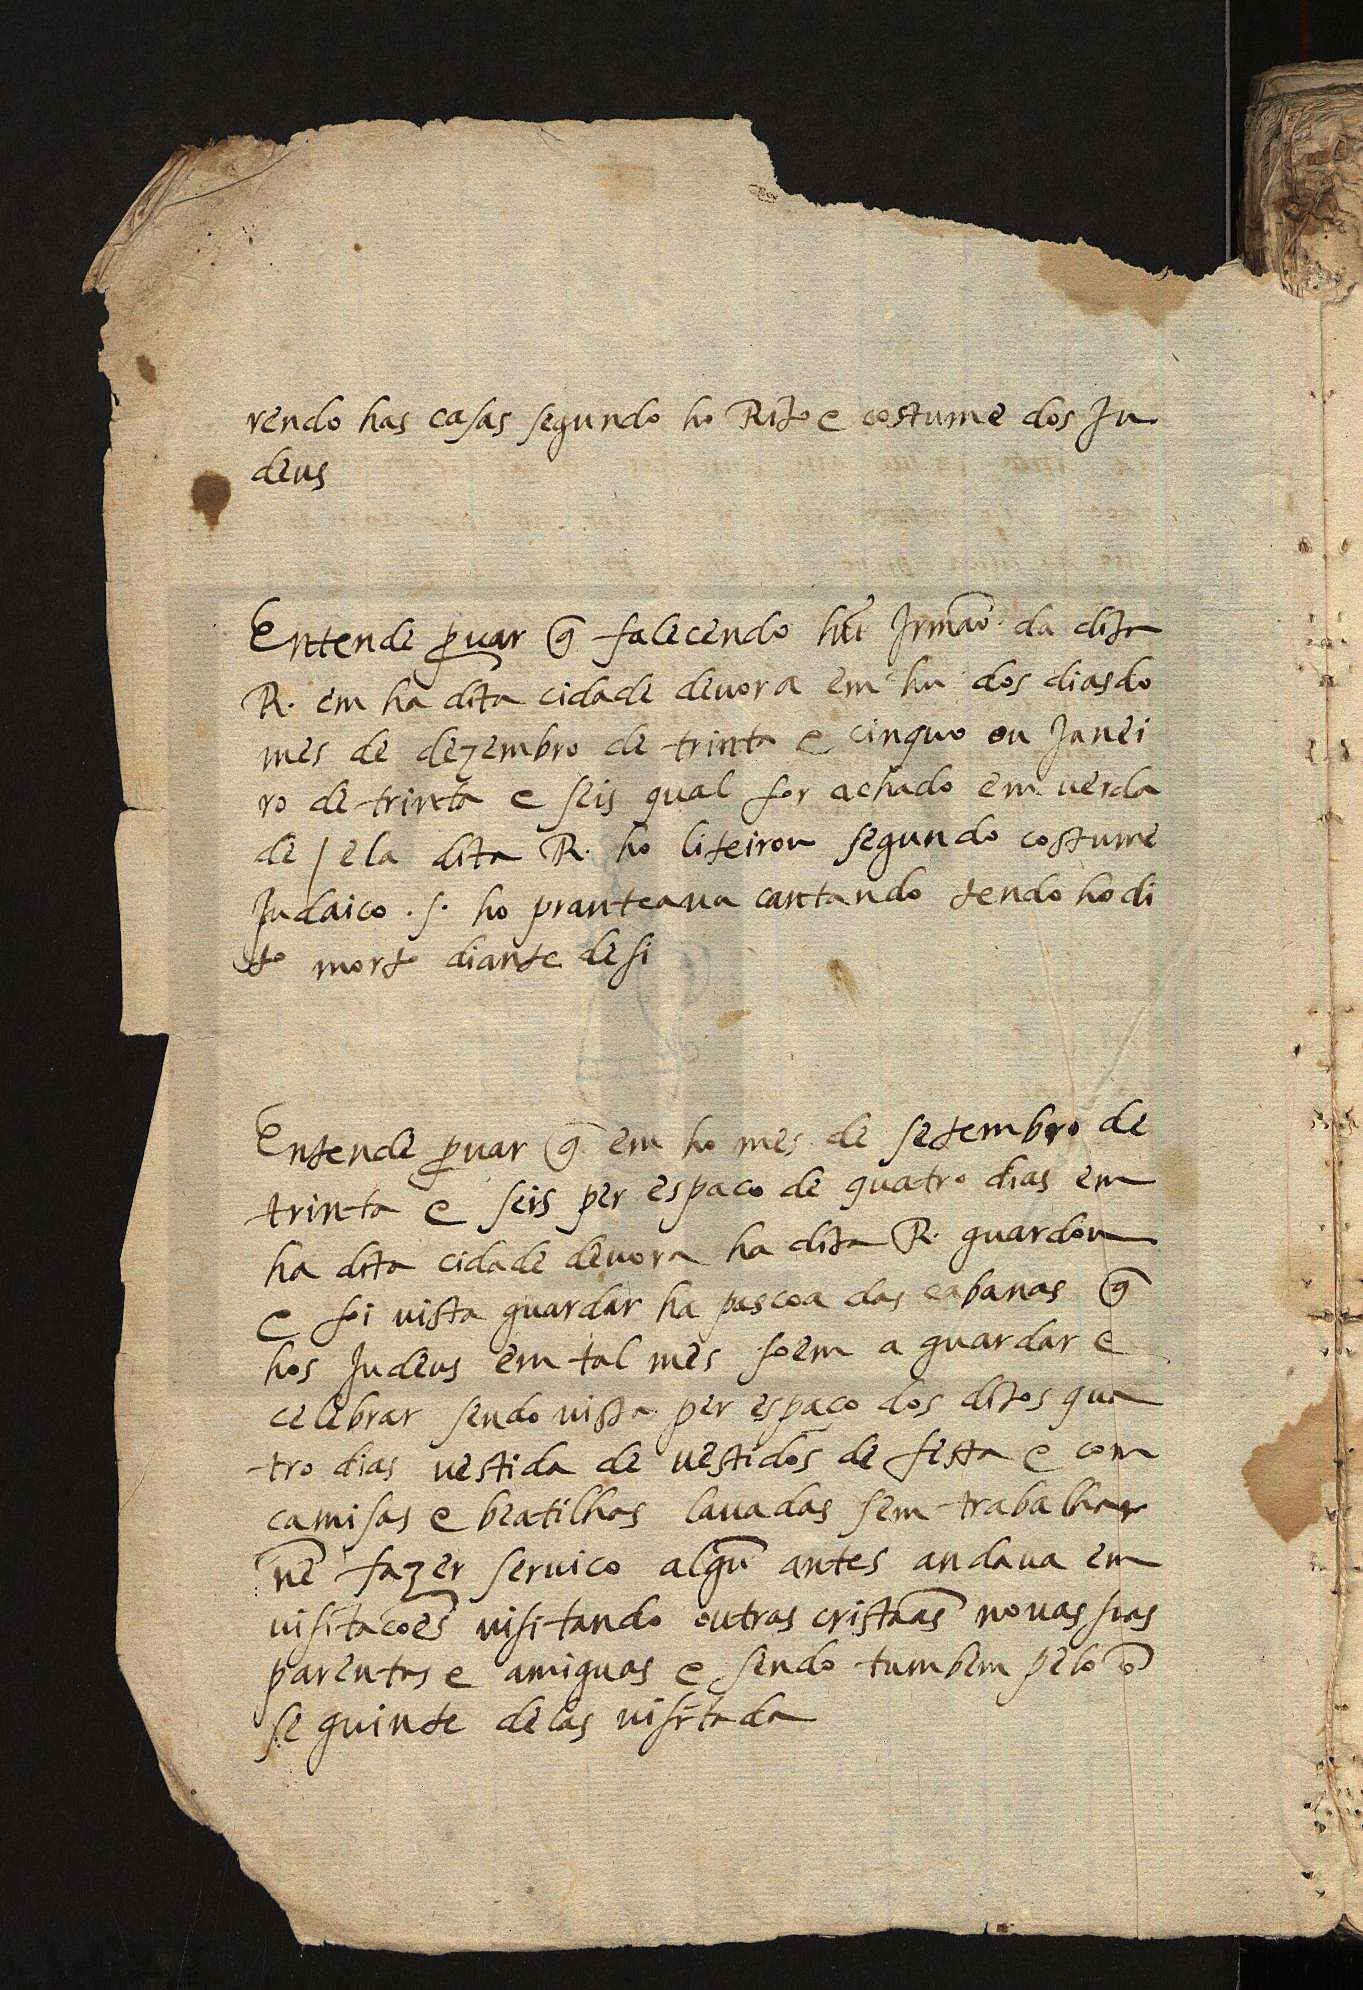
rendo has casas segundo ho Rito e costume dos Ju
deus
Entende ꝓuar q̅ falecendo hu̅ Jrmão da dita
R. em ha dita cidade deuora em hu dos dias do
mes de dezembro de trinta e cinquo en Janei
ro de trinta e seis qual for achado em uerda
de / ela dita R. ho liteirou segundo costume
Judaico .s. ho pranteaua cantando tendo ho di
to morto diante de si
Entende ꝓuar q̅ em ho mes de setembro de
trinta e seis per espaco de quatro dias em
ha dita cidade deuora ha dita R. guardou
e foi uista guardar ha pascoa das cabanas q̅
hos Judeus em tal mes soem a guardar e
celebrar sendo uista per espaço dos ditos qua
tro dias uestida de uestidos de festa e com
camisas e bratilhas lauadas sem trabalhar
ne̅ fazer seruico algu̅ antes andaua em
uisitações uisitando outras cristaãs nouas suas
parentas e amiguas e sendo tambem pelo co̅
seguinte delas uisitada
